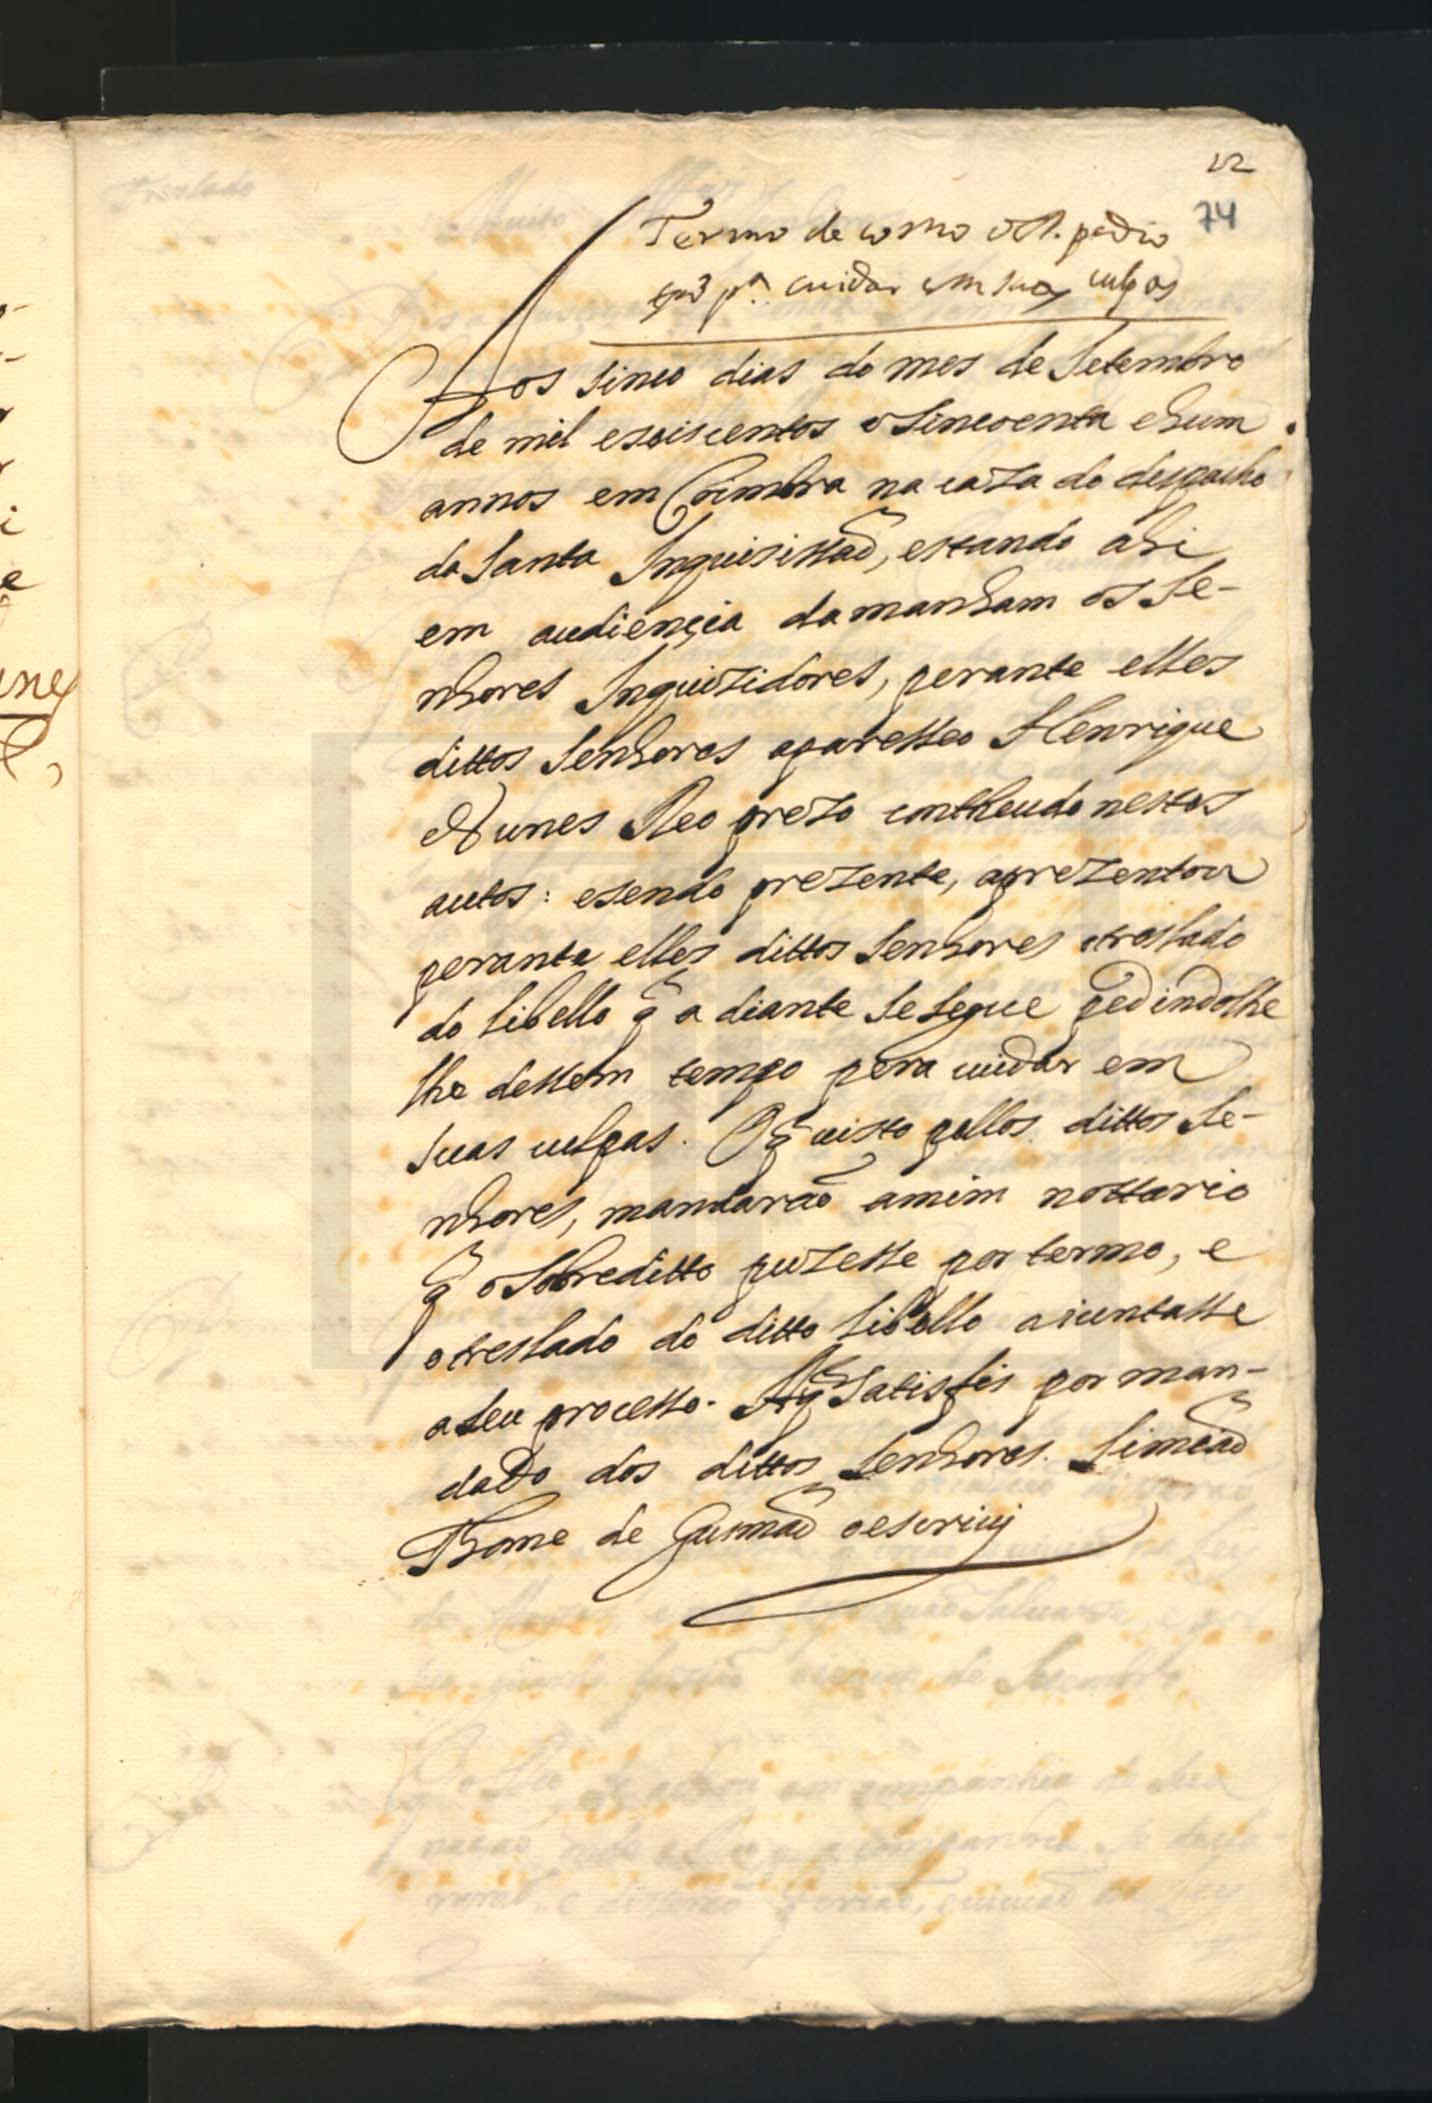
Termo de como o R. pedio
tpō p.a cuidar em suas culpas
Aos sinco dias do mes de Setembro
de mil e seiscentos e sincoenta e hum
annos em Coimbra na caza do despacho
da Santa Inquisissão, estando ahi
em audiençia da manham os Se
nhores Inquizidores, perante elles
dittos Senhores aparesseo Henrique
Nunes Reo prezo contheudo nestes
autos: e sendo prezente, aprezentou
perante elles dittos senhores o treslado
do libello q̅ a diante se segue pedindolhe
lhe dessem tempo pera cuidar em
suas culpas. O q̅ uisto pellos dittos Se
nhores, mandarão a mim nottario
q̅ o sobreditto puzesse por termo, e
o treslado do ditto libello aiuntasse
a seu processo. A q̅ satisfis por man
dado dos dittos Senhores Simião
Thome de Gusmão o escriuj
